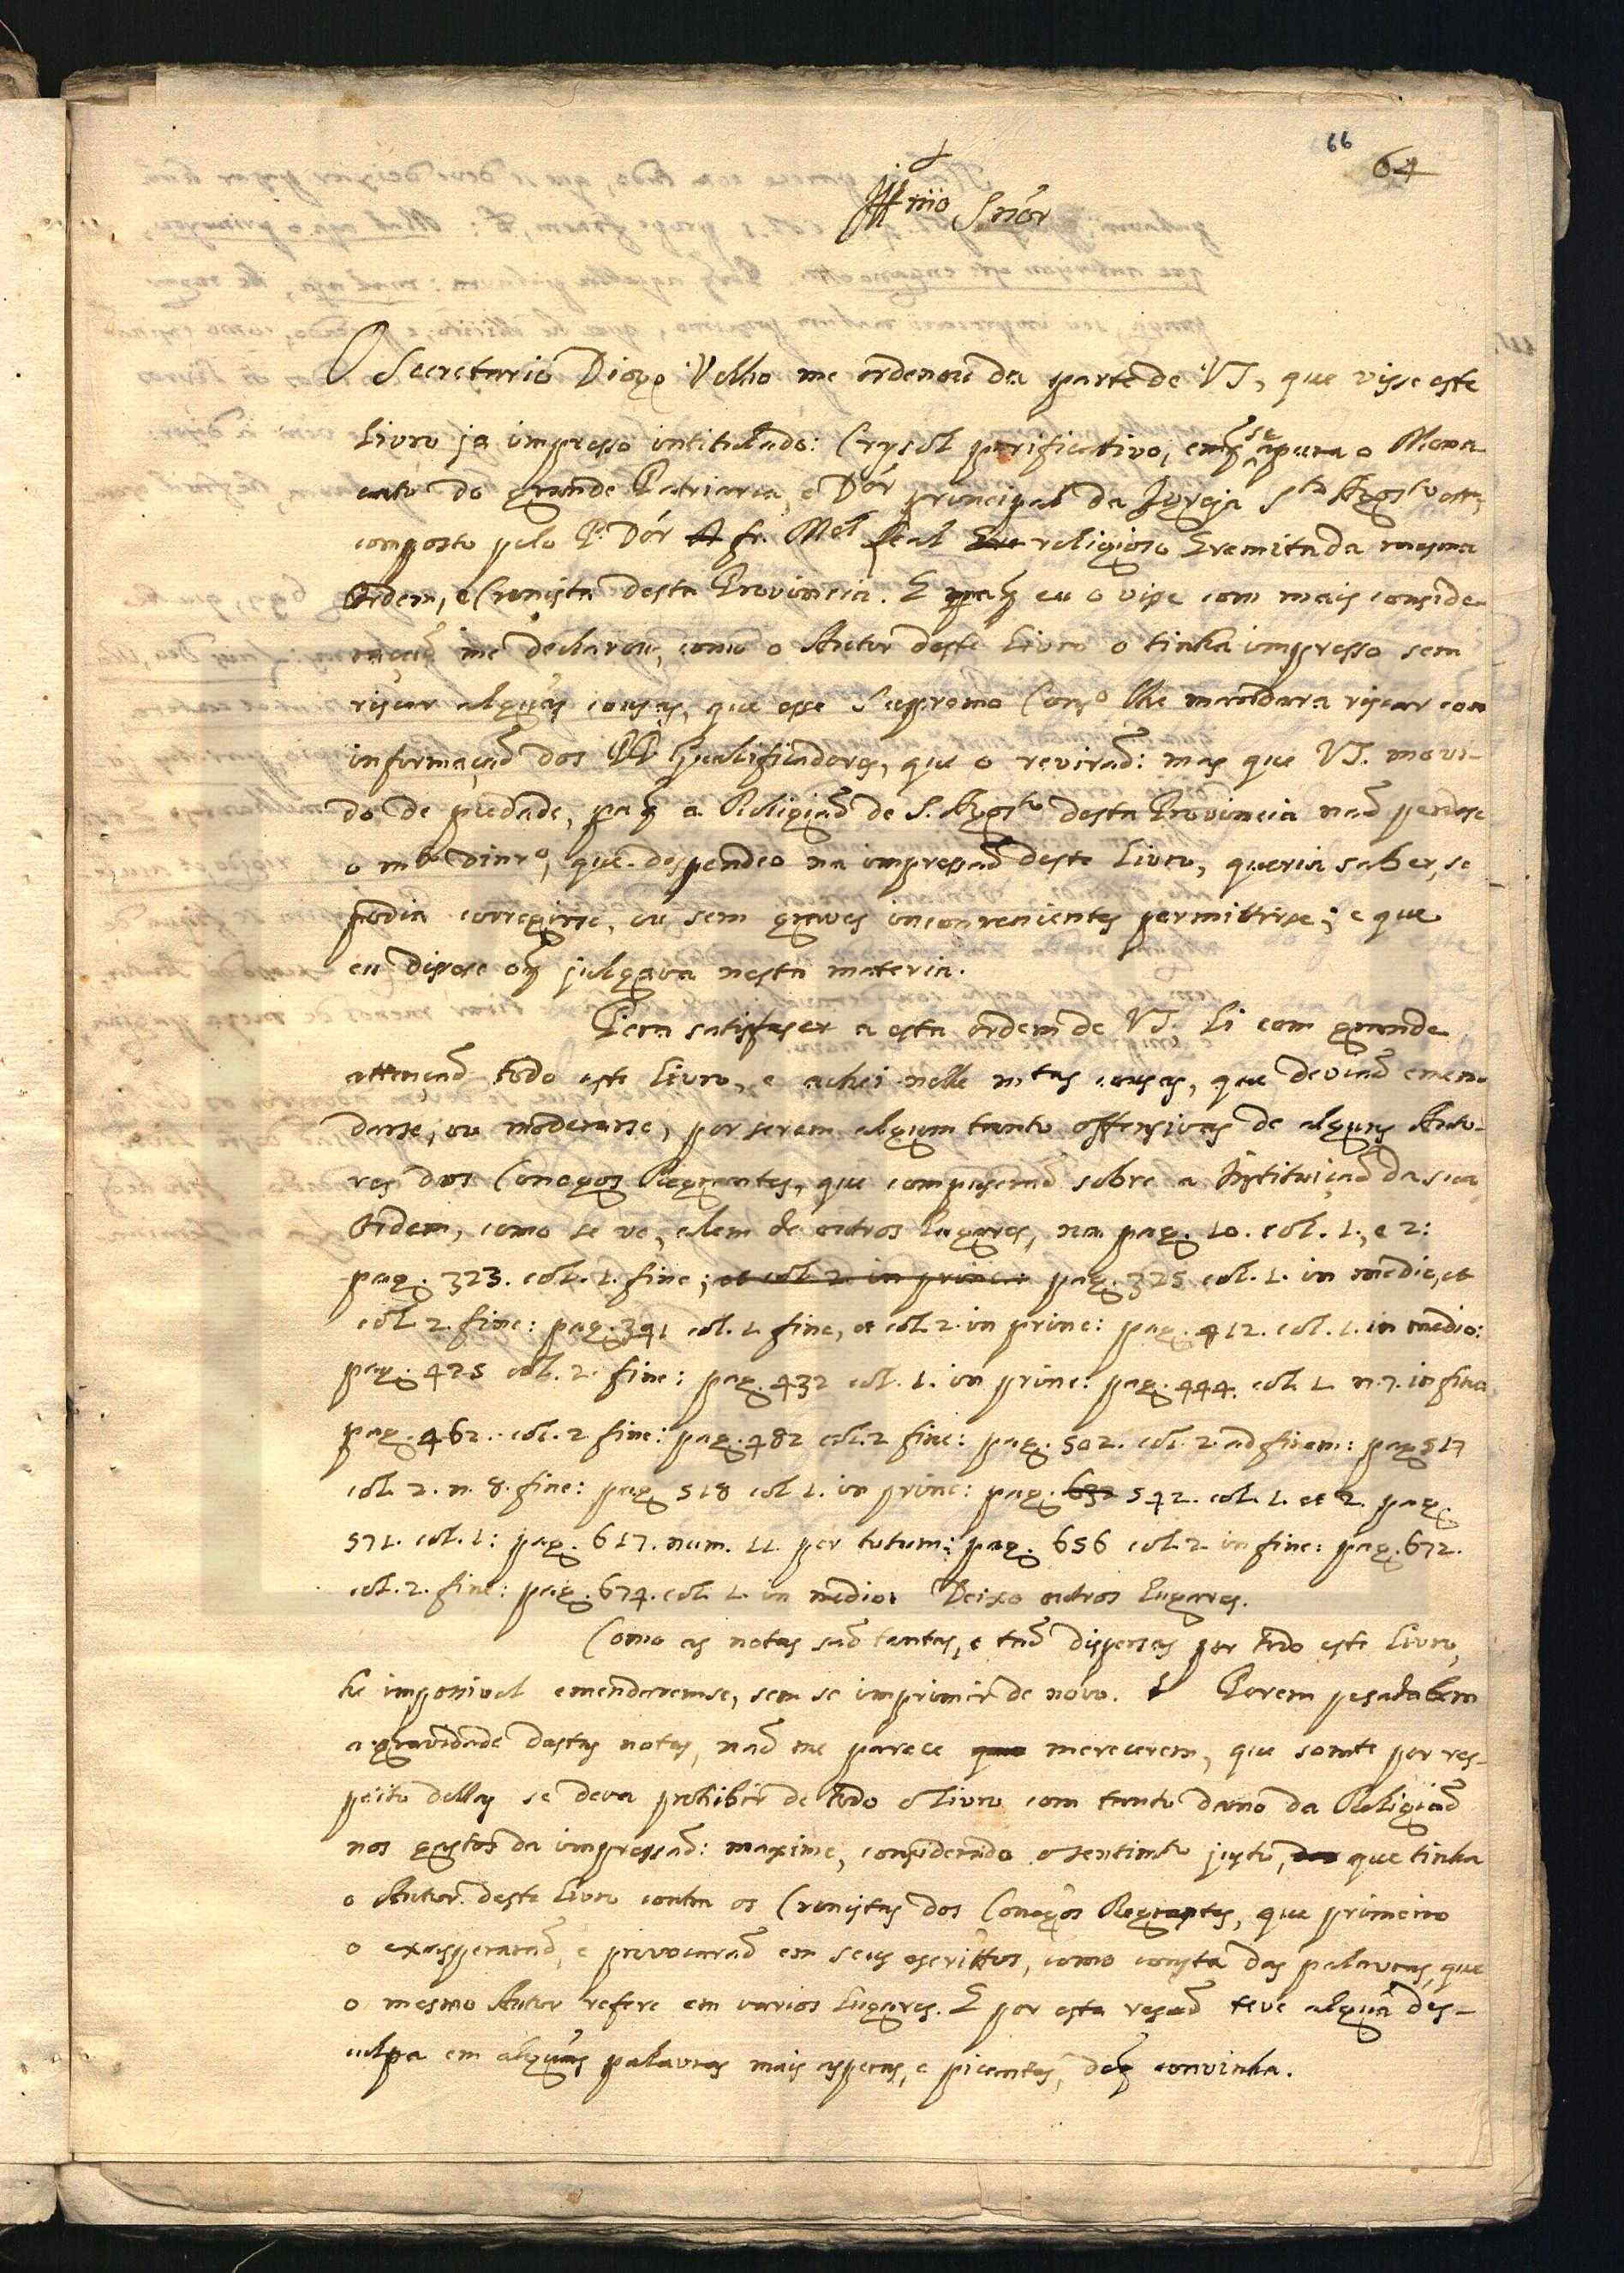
64
Jllmo Snōr
O Secretario Diogo Velho me ordenou da parte de VS que visse este
livro ja impresso intitulado: Crysol purificativo, em q̄ se apura o Mona
cato do Grande Patriarca, e Dor̄ principal da Jgreja S.to Agosto em
composto pelo P. Dor̄ fr. Mel Leal Ere religioso Eremita da mesma
Ordem, e Cronista desta Provincia. E ꝑa q̄ eu a visse com mais conside
raçaõ me declarou, como o Autor deste Livro o tinha impresso sem
riscar alguās cousas, que esse supremo Conso lhe mandara riscar com
informaçaõ dos PP Qualificadores, que o reviraõ: mas que VS. movi
do de piedade, ꝑa q̄ a Religiaõ de S. Agosto desta Provincia naõ perdese
o mto dinro, que despendeo na impressaõ deste Livro, queria saber, se
podia corregirse, ou sem graves inconvenientes permittirse; e que
eu dissese o q̄ julgava nesta materia.
Pera satisfaser a esta ordem de VS; Li com grande
attençaõ todo este Livro, e achei nelle mtas cousas, que deviaõ emen
darse, ou moderarse, por serem algum tanto offensivas de alguns Auto
res dos Conegos Regrantes, que compuseraõ sobre a Instituiçaõ da sua
Ordem, como se ve, alem de outros lugares, na pag. 10. col. 1; e 2:
pag. 323. col. 1. fine; et col. 2 in princ.: pag. 325 col. 1. in medio, et
coL 2. fine: pag. 391 col. 1 fine, et col. 2. in princ: pag. 412. col. 1. in medio:
pag. 425 col. 2. fine: pag. 432 col. 1. in princ. pag. 444. col. 1 n. 7. in fine:
pag. 462. col. 2 fine: pag. 482 col. 2 fine: pag. 502. col. 2. ad finem: pag 517
col 2. n. 8. fine: pag 518 col 1. in princ: pag. 638 542. col. 1 et 2. pag.
571. col. 1: pag. 617. num. 11. per totum: pag. 656 col 2. in fine: pag. 672.
col. 2. fine: pag. 674. col 1. in medio: Deixo outros lugares.
Como as notas saõ tantas, e taõ dispersas por todo este livro,
he impossivel emendaremse, sem se imprimir de novo. Porem pesada bem
a gravidade destas notas, naõ me parece que merecerem, que somte por res
peito dellas se deva prohibir de todo o livro com tanto dano da Religiaõ
nos gastos da impressaõ: maxime, considerado o sentimto justo, dos que tinha
o Autor deste livro contra os Cronistas dos Conegos Regrantes, que primeiro
o exasperaraõ, e provocaraõ em seus escrittos, como consta das palavras, que
o mesmo Autor refere em varios lugares. E por esta resaõ teve alguā des
culpa em alguās palavras mais asperas, e picantes, do q̄ convinha.
